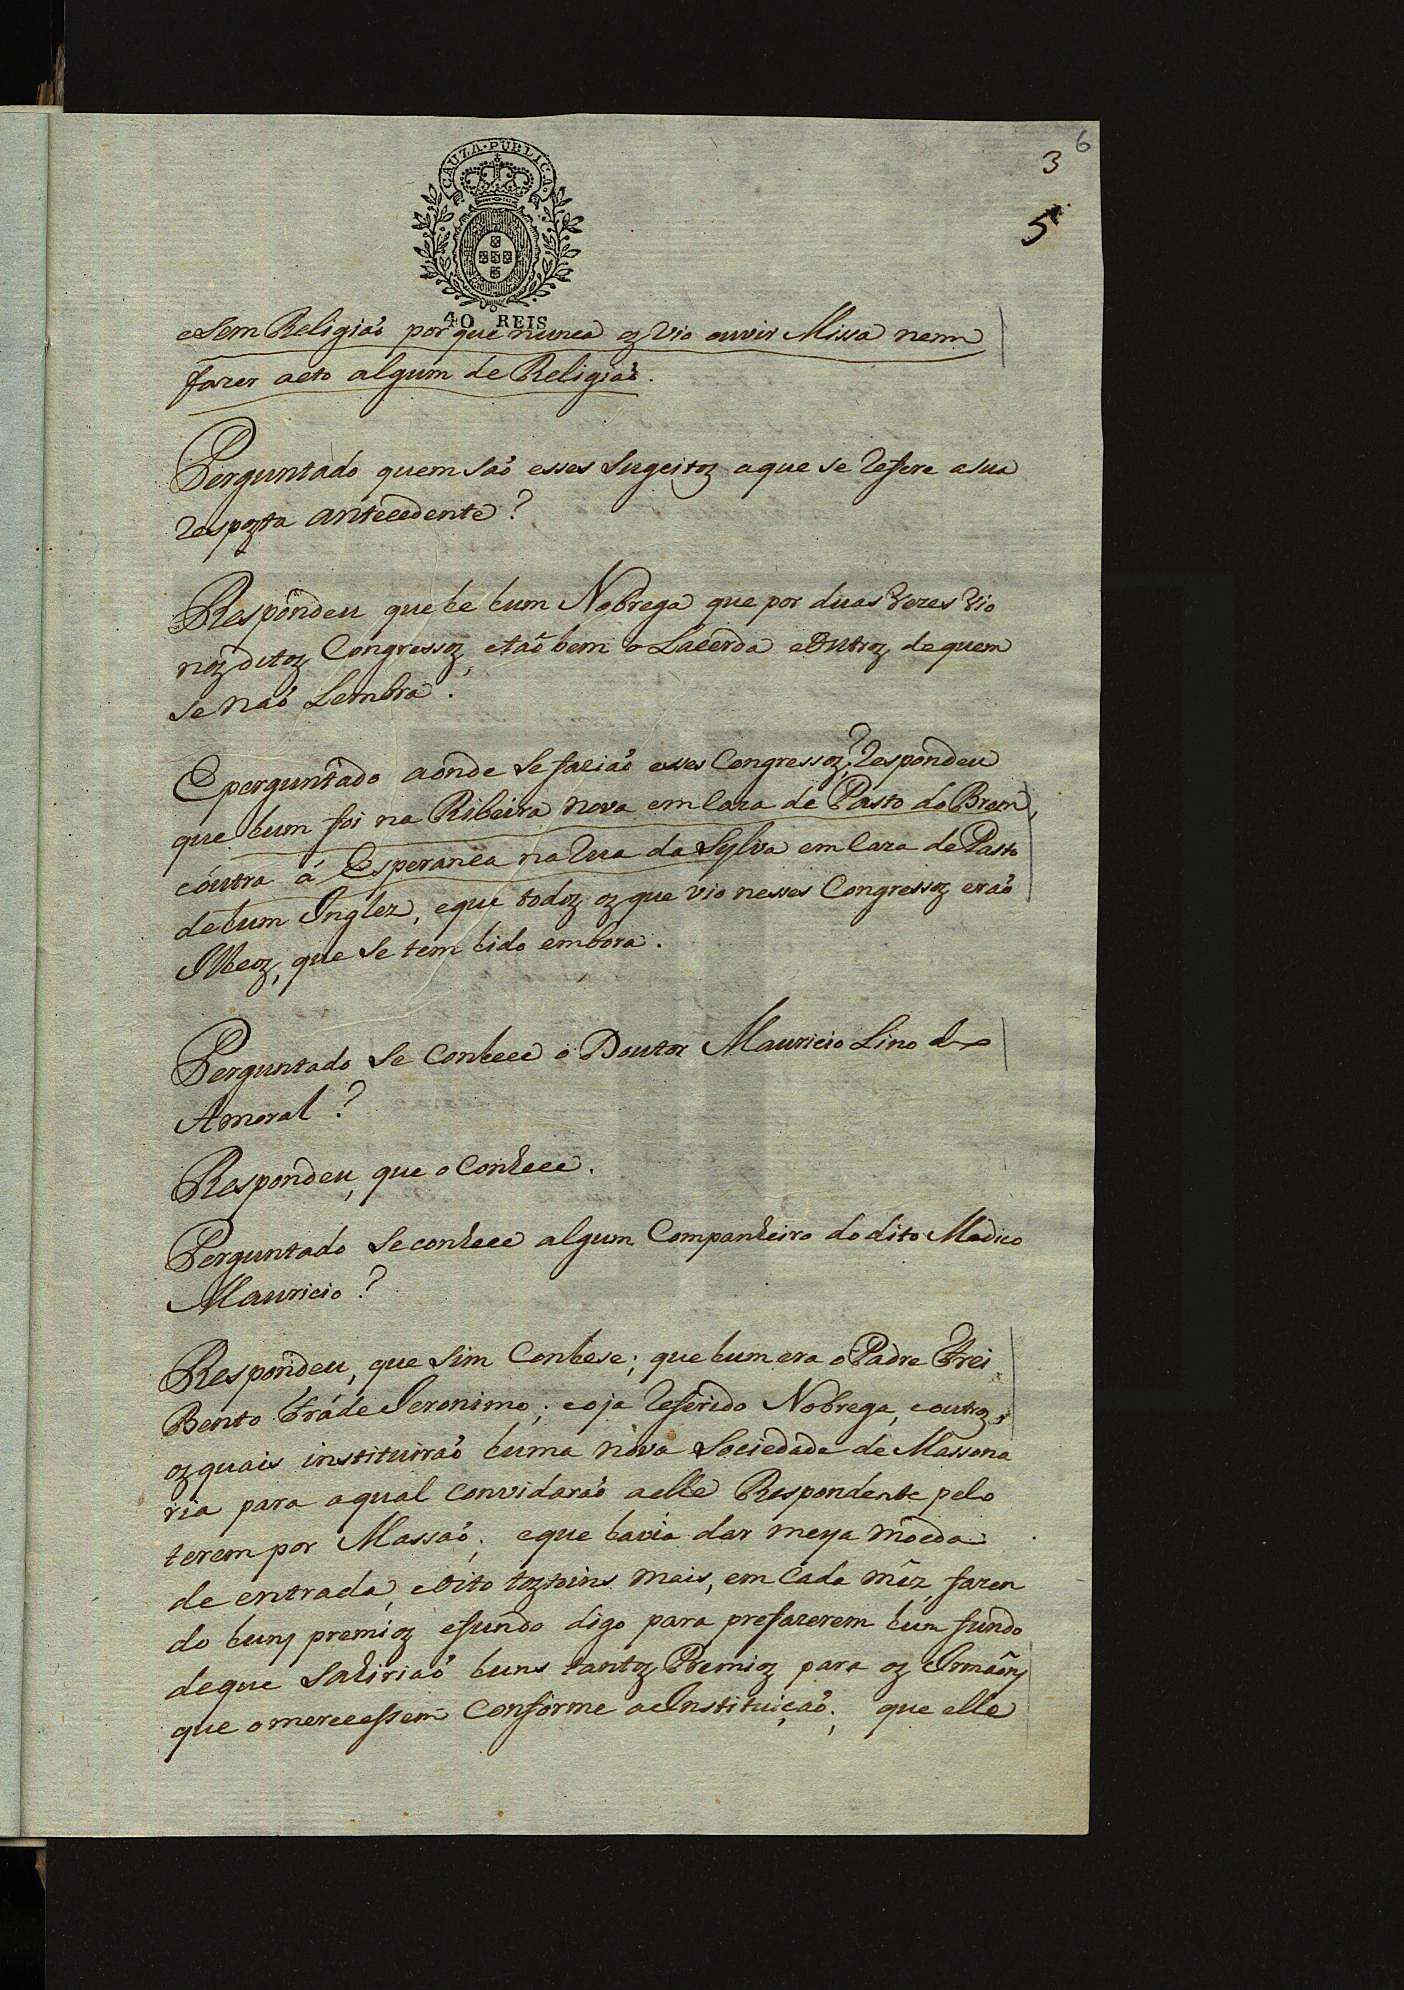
e sem Religiaõ por que nunca oz vio ouvir Missa nem
fazer acto algum de Religiaõ.
Perguntado quem saõ esses sugeitoz a que se refere a sua
respozta antecedente?
Respondeu que he hum Nobrega que por duas vezes vio
noz ditoz Congressoz, e taõ bem o Lacerda e outroz de quem
se naõ lembra.
E perguntado aonde se faziaõ esses Congressoz? Respondeu
que hum foi na Ribeira Nova em caza de Pasto do Bran,
e óutra á Esperanca na Rua da Sylva em Caza de Pasto
de hum Inglez, e que todoz oz que vio nesses Congressoz eraõ
Ilheoz, que se tem hido embora.
Perguntado se conhece o Doutor Mauricio Lino do
Amaral?
Respondeu, que o conhece.
Perguntado se conhece algum Companheiro do dito Medico
Mauricio?
Respondeu, que sim conhece; que hum era o Padre Frei
Bento Fráde Jeronimo; e o ja Referido Nobrega, e outroz,
oz quais instituiraõ huma nova Sociedade de Massona
ria para a qual convidaraõ a elle Respondente pelo
terem por Massaõ; e que havia dar meya moeda
de entrada, e oito toztoins mais, em cada mêz, fazen
do huns premioz e fundo digo para prefazerem hum fundo
de que sahiriaõ huns tantoz Premioz para oz Irmaõns
que o merecessem conforme a Instituiçaõ; que elle
